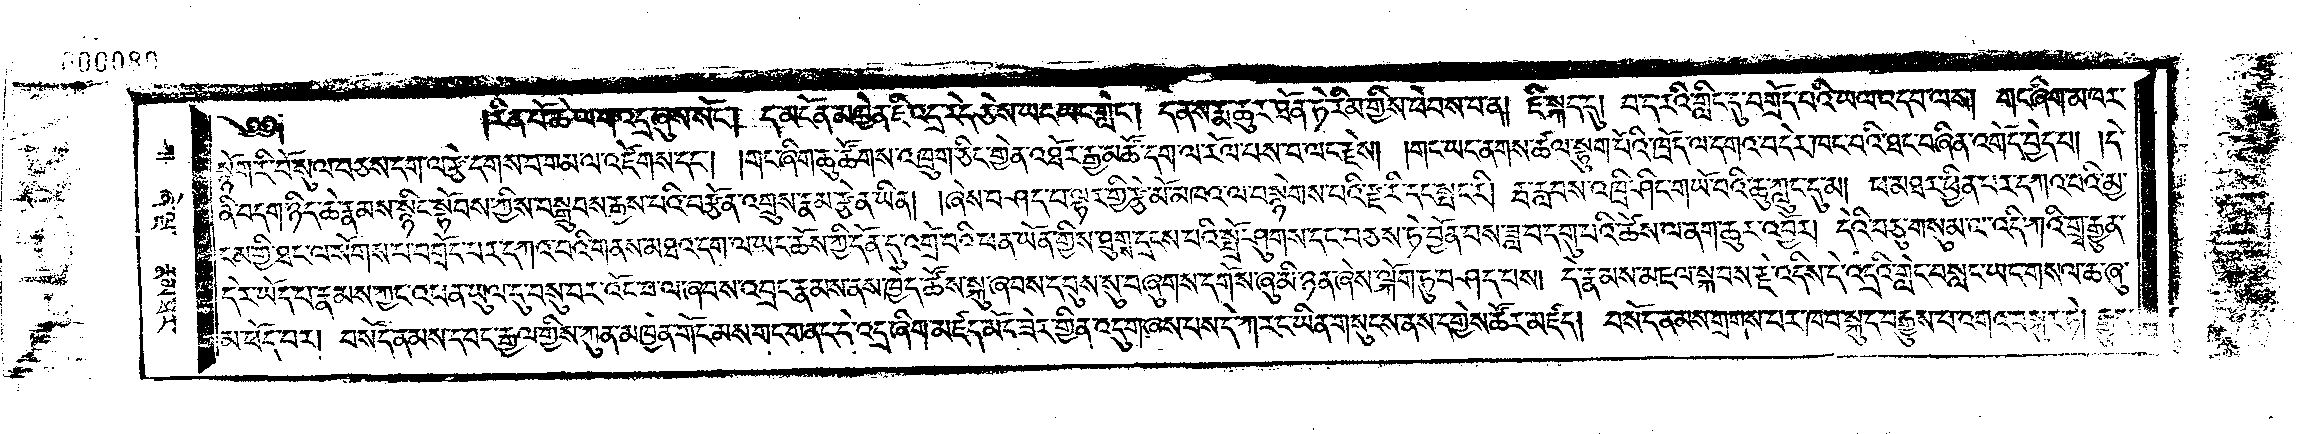༄༅། །རིན་པོ་ཆེ་ལག་འདྲ་ཞུས་སོང་། ད་མངོན་མཁྱེན་ཇི་འདྲ་རེད་ཅེས་ཡང་ཡང་གླེང་། དེ་ནས་རྨ་ཆུར་ཐོན་ཏེ་རིམ་གྱིས་ཕེབས་པ་ན། ཇི་སྐད་དུ། བ་ད་རའི་གླིང་དུ་བགྲོད་པའི་ཡལ་འདབ་ལས། གང་ཞིག་མཁར་
སྙོག་རི་བོ་སུལ་བཅས་དག་ལ་རྩེ་དགས་བ་གམ་ལ་འཛེགས་དང་། །གང་ཞིག་ཆུ་ཆོགས་འཁྲུག་ཅིང་གྱེན་འཐོར་རྒྱ་མཚོ་དག་ལ་རོལ་པས་བ་ལང་རྗེས། །གང་ཡང་ནགས་ཚལ་སྟུག་པོའི་ཁྲོད་ལ་དགའ་བདེར་ཁང་པའི་ཐང་བཞིན་འགོད་བྱེད་པ། །དེ་
ནི་བདག་ཉིད་ཆེ་རྣམས་སྙིང་སྟོབས་ཀྱིས་བསྒྲུབས་རྒྱས་པའི་བརྩོན་འགྲུས་རྣམ་རྩེན་ཡིན། །ཞེས་བཤད་པ་ལྟར་གྱི་རྩེ་མོ་མཁའ་ལ་བསྙེགས་པའི་རྫ་རི་དང་སྤང་རི། རྦ་རླབས་འཁྲི་ཤིང་གཡོ་བའི་ཆུ་ཀླུང་དུ་མ། ཕ་མཐར་ཕྱིན་པར་དཀའ་བའི་མྱ་
ངམ་གྱི་ཐང་ལ་སོགས་པ་བགྲོང་པར་དཀའ་བའི་གནས་མཐའ་དག་ལ་ཡང་ཆོས་ཀྱི་དོན་དུ་འགྲོ་བའི་ཕན་ཡོན་གྱིས་ཐུགས་དྲངས་པའི་སྤྲོ་ཤུགས་དང་བཅས་ཏེ་བྱོན་པས་ཟླ་བ་དགུ་པའི་ཚེས་ལ་ནག་ཆུར་འབྱོར། དེའི་བཅུ་གསུམ་ལ་འདི་ཀའི་གྲྭ་རྒྱུན་
དེར་ཡོད་པ་རྣམས་ཀྱང་འཕན་ཡུལ་དུ་བསུ་བར་འོད་པ་ལ་ཞབས་འབྲང་རྣམས་ནས་ཁྱེད་ཚོས་སྐུ་ཞབས་དབུས་སུ་བཞུགས་དགོས་ཞུ་མི་ཉན་ཞེས་ལྐོག་ཏུ་བཤད་པས། དེ་རྣམས་མཇལ་སྐབས་རྗེ་འདིས་དེ་འདྲའི་གླེང་བསླང་ཡང་གསལ་ཆ་ཞུ་
མ་ཕོད་པར། བསོད་ནམས་དབང་རྒྱལ་གྱིས་ཀུན་མཁྱེན་གོང་མས་གང་གནད་དེ་འདྲ་ཞིག་མཛད་མོད་ཟེར་གྱིན་འདུག་ཞུས་པས་དེ་ཀ་རང་ཡིན་གསུངས་ནས་དགྱེས་ཚོར་མཛད། བསོད་ནམས་གྲགས་པར་ཁབ་སྐུད་བརྒྱུས་པ་འགའ་བསྐུར་ཏེ། རྒྱུད་